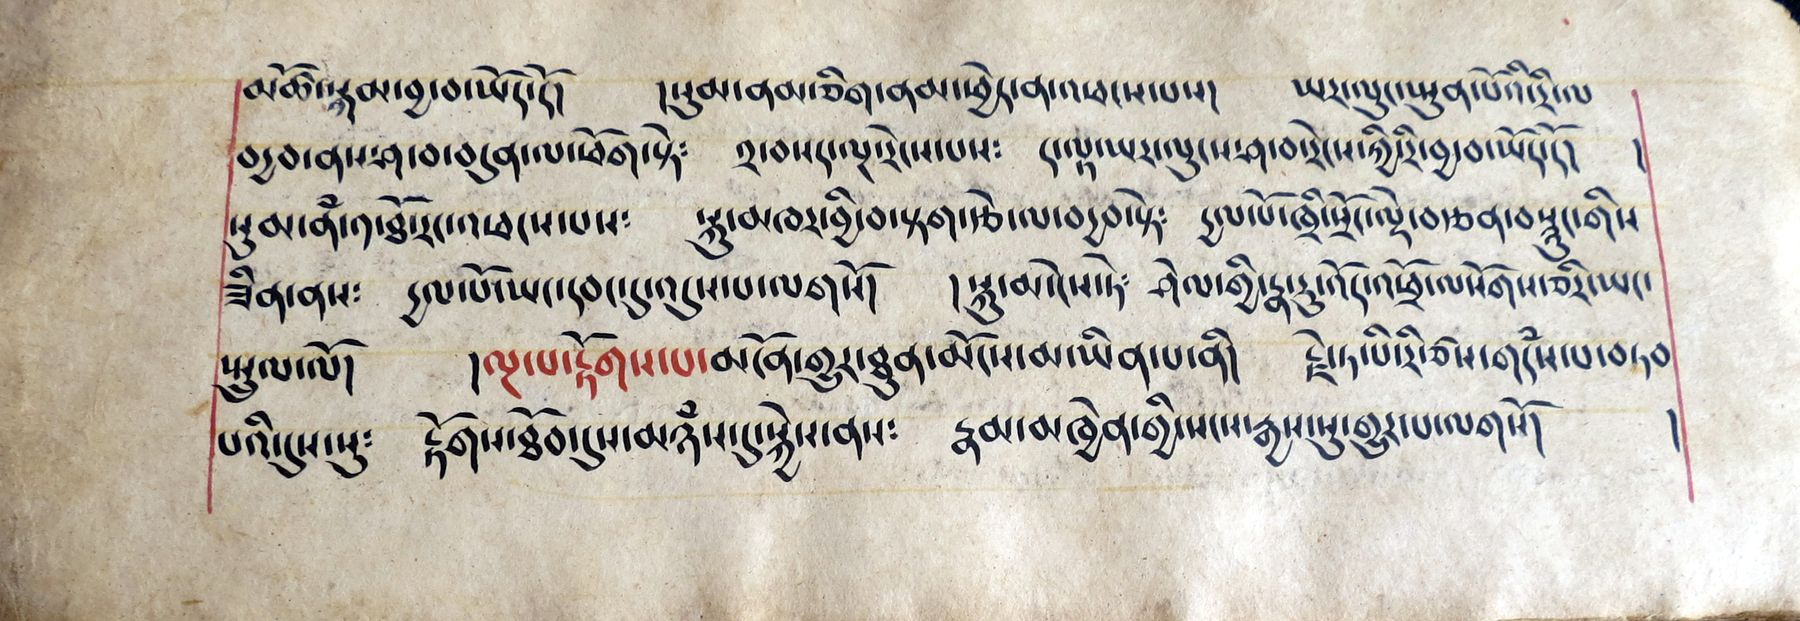མཚོ་སྐམ་བྱ་བ་ཡོད་དོ། །སུམ་ནམ་ཅིག་ནམ་ཕྱེད་ན་འཕངས་པས། ཡར་ལུང་སྤུན་པོའི་རི་ལ་
བརྒྱབས་ནས་ཤ་བ་བདུན་ལ་ཕོག་སྟེ་གཉིས་བསད། ལྔ་རེངས་པས་ད་ལྟ་ཡར་ལུང་ཤ་བ་རེངས་ཀྱི་རི་བྱ་བ་ཡོད་དོ། 
སུམ་ནམ་ཅིག་ཐོ་རངས་འཕངས་པས། སྐུ་མཁར་བྱི་བ་སྟག་རྩེ་ལ་བརྒྱབས་ཏེ། རྒྱལ་པོ་ཁྲི་སྲོང་ལྡེ་བཙན་བསྙུང་གིས་
ཟིན་ནས། རྒྱལ་པོ་ཡང་དབང་དུ་འདུས་པ་ལགས་སོ། །སྐུ་མ་ངེས་ཏེ་ཤེལ་གྱི་རྣ་རུ་འོད་འཕྲོ་བ་ལ་སོགས་ཅིར་ཡང་
སྤྲུལ་ལོ། །ལྔ་པ་རྟོགས་པ་མངོན་གྱུར་ཐུན་མོང་མ་ཡིན་པ་ནི། རྗེ་ཏ་པི་རི་ཙས་གདམས་པ་བཏབ་
པའི་དུས་སུ། རྟོགས་ཐོབ་དུས་མཉམ་སྐྱེས་ནས། རྣམ་མཁྱེན་གྱི་སངས་རྒྱས་སུ་གྱུར་པ་ལགས་སོ། །